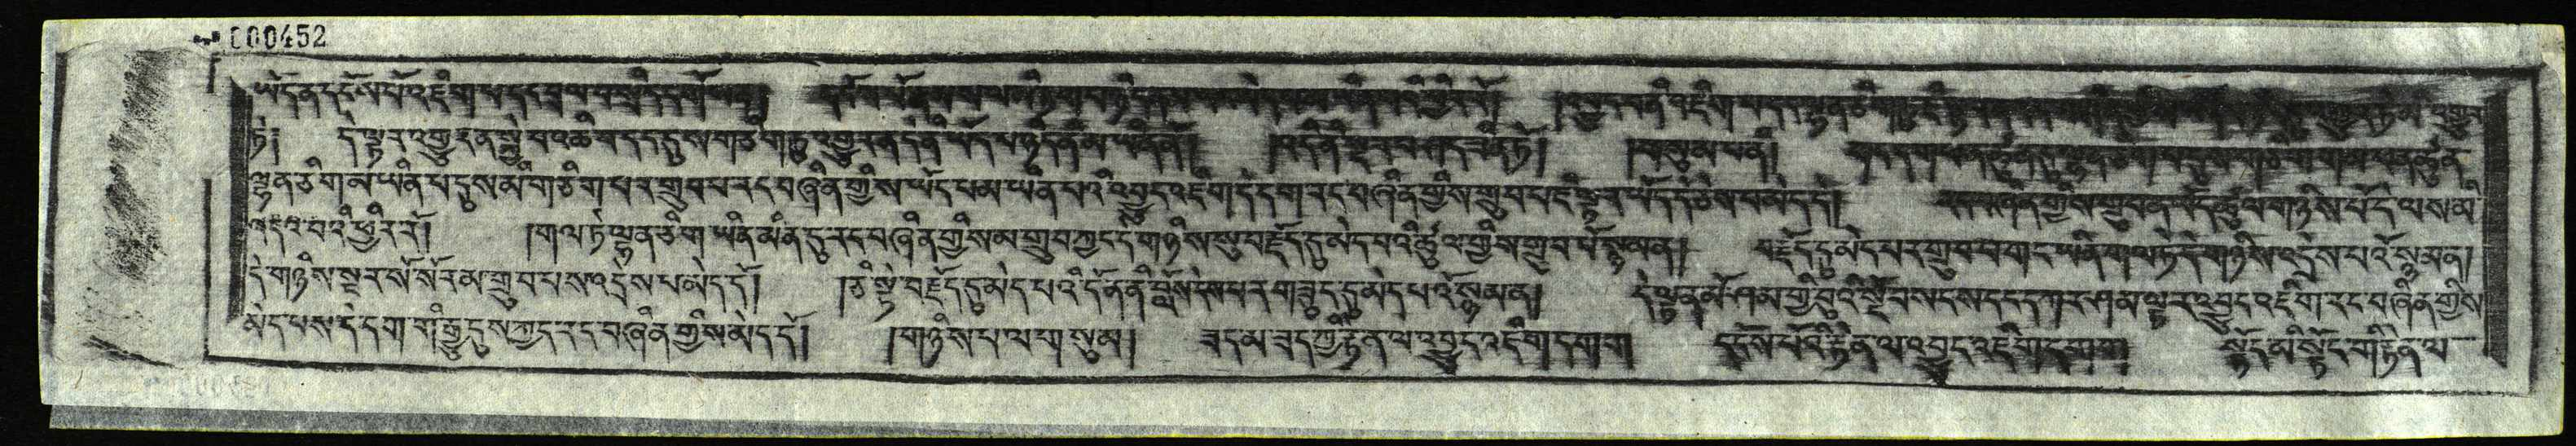ཡོད་ན་དངོས་པོ་འཇིག་པ་དང་བྲལ་བ་སྲིད་དགོས་པ་བྱ་དངོས་པོ་ནས་ས་ལ་མི་རྟག་པ་ཉིད་ནམ་ཡང་མེད་པ་མ་ཡིན་པའི་ཕྱིར་རོ། །འབྱུང་བ་ནི་འཇིག་པ་དང་ལྷན་ཅིག་ཏུ་ཇི་ལྟར་ན་རང་བཞིན་གྱིས་ཡོད་པ་ཉིད་དུ་འགྱུར་འགྱུར་ཏེ་མི་འགྱུར་
ཏེ༑ དེ་ལྟར་འགྱུར་ན་སྐྱེ་བ་འཆི་བ་དང་དུས་གཅིག་ཏུ་འགྱུར་ན་དེ་ནི་ཡོད་པ་ཉིད་ནི་མ་ཡིན་ནོ། །འདི་ནི་སྔར་བཤད་ཟིན་ཏོ། །གསུམ་པ་ནི། གང་དག་ཕན་ཚུན་དུ་ལྷན་ཅིག་པ་དུས་གཅིག་གིས་ཕན་ཚུན་
ལྷན་ཅིག་མ་ཡིན་པ་དུས་མི་གཅིག་པར་གྲུབ་པ་རང་བཞིན་གྱིས་ཡོད་པ་མ་ཡིན་པའི་འབྱུང་འཇིག་དེ་དག་རང་བཞིན་གྱིས་གྲུབ་པ་ཇི་ལྟར་ཡོད་དེ་ཅེས་པ་མེད་དོ། རང་བཞིན་གྱིས་གྲུབ་ན་ཡོད་ཚུལ་གཉིས་པོ་དེ་ལས་མི་
འདའ་བའི་ཕྱིར་རོ། །གལ་ཏེ་ལྷན་ཅིག་ཡིན་མིན་དུ་རང་བཞིན་གྱིས་མ་གྲུབ་ཀྱང་དེ་གཉིས་སུ་བརྗོད་དུ་མེད་པའི་ཚུལ་གྱིས་གྲུབ་པོ་སྙམ་ན། བརྗོད་དུ་མེད་པར་གྲུབ་པ་གང་ཡིན་གལ་ཏེ་དེ་གཉིས་འདྲེས་པའོ་སྙམ་ན།
དེ་གཉིས་སྔར་སོ་སོར་མ་གྲུབ་པས་འདྲེས་པ་མེད་དོ། །ཅི་སྟེ་བརྗོད་དུ་མེད་པའི་དོན་ནི་བློས་ངེས་པར་གཟུང་དུ་མེད་པའོ་སྙམ་ན། དེ་ལྟ་ན་མོ་ཤམ་གྱི་བུའི་སྔོ་བསངས་དང་དཀར་ཤམ་ལྟར་འབྱུང་འཇིག་རང་བཞིན་གྱིས་
མེད་པས་དེ་དག་གི་རྒྱུ་དུས་ཀྱང་རང་བཞིན་གྱིས་མེད་དོ། །གཉིས་པ་ལ་གསུམ། ཟད་མ་ཟད་ཀྱི་རྟེན་ལ་འབྱུང་འཇིག་དགག་དངོས་པོའི་རྟེན་ལ་འབྱུང་འཇིག་དགག་སྟོང་མི་སྟོང་གི་རྟེན་ལ་